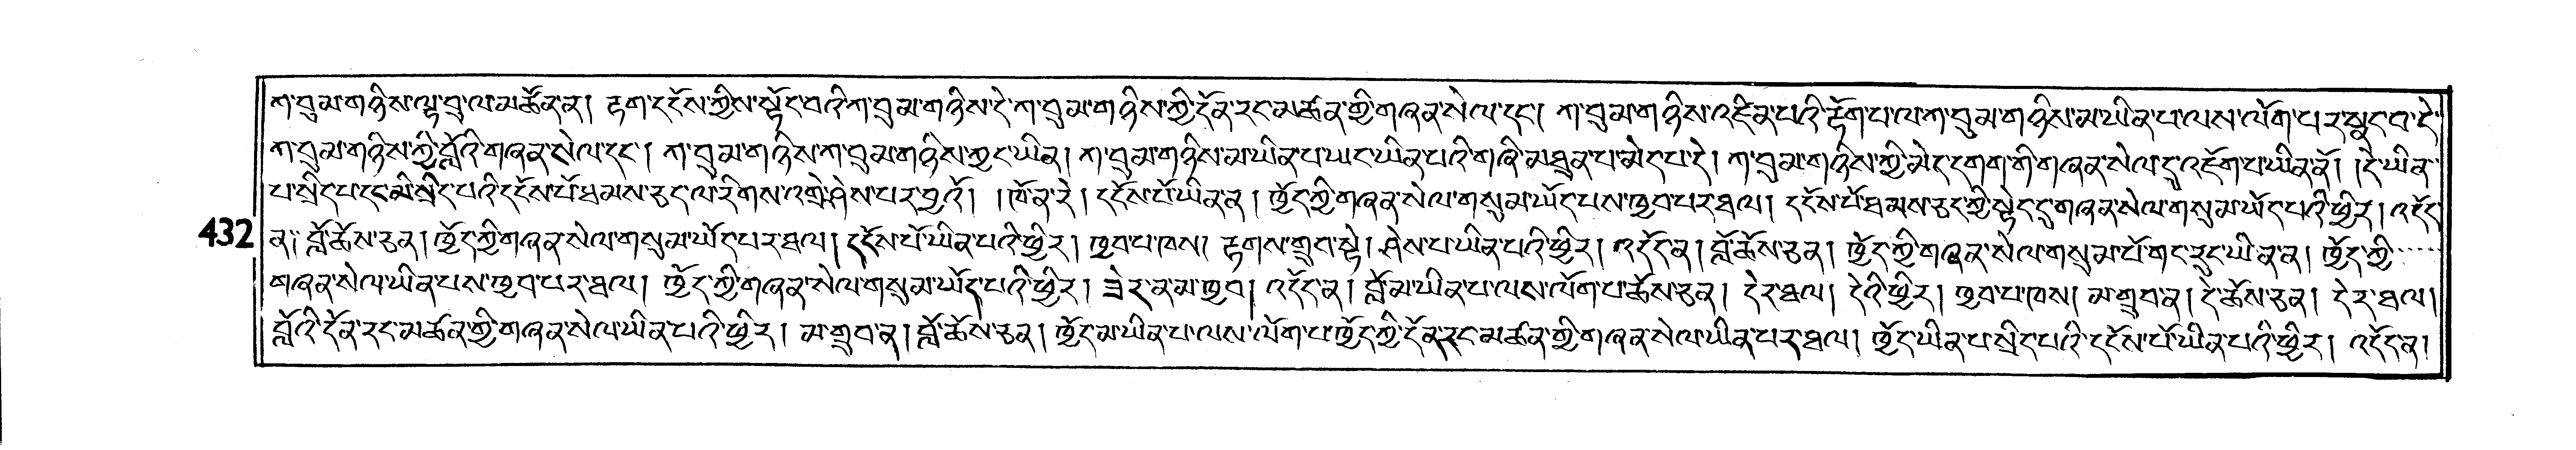ཀ་བུམ་གཉིས་ལྟ་བུ་ལ་མཚོན་ན། རྟག་དངོས་ཀྱིས་སྟོང་བའི་ཀ་བུམ་གཉིས་དེ་ཀ་བུམ་གཉིས་ཀྱི་དོན་རང་མཚན་གྱི་གཞན་སེལ་དང་། ཀ་བུམ་གཉིས་འཛིན་པའི་རྟོག་པ་ལ་ཀ་བུམ་གཉིས་མ་ཡིན་པ་ལས་ལོག་པར་སྣང་བ་དེ་
ཀ་བུམ་གཉིས་ཀྱི་བློའི་གཞན་སེལ་དང་། ཀ་བུམ་གཉིས་ཀ་བུམ་གཉིས་ཀྱང་ཡིན། ཀ་བུམ་གཉིས་མ་ཡིན་པ་ཡང་ཡིན་པའི་གཞི་མཐུན་པ་མེད་པ་དེ། ཀ་བུམ་གཉིས་ཀྱི་མེད་དགག་གི་གཞན་སེལ་དུ་འཇོག་པ་ཡིན་ནོ། །དེ་ཡིན་
པ་སྲིད་པ་དང་མི་སྲིད་པའི་དངོས་པོ་ཐམས་ཅད་ལ་རིགས་འགྲེ་ཤེས་པར་བྱའོ། །ཁོ་ན་རེ། དངོས་པོ་ཡིན་ན། ཁྱོད་ཀྱི་གཞན་སེལ་གསུམ་ཡོད་པས་ཁྱབ་པར་ཐལ། དངོས་པོ་ཐམས་ཅད་ཀྱི་སྟེང་དུ་གཞན་སེལ་གསུམ་ཡོད་པའི་ཕྱིར། འདོད་
ན༑ བློ་ཆོས་ཅན། ཁྱོད་ཀྱི་གཞན་སེལ་གསུམ་ཡོད་པར་ཐལ། དངོས་པོ་ཡིན་པའི་ཕྱིར། ཁྱབ་པ་ཁས། རྟགས་གྲུབ་སྟེ། ཤེས་པ་ཡིན་པའི་ཕྱིར། འདོད་ན། བློ་ཆོས་ཅན། ཁྱོད་ཀྱི་གཞན་སེལ་གསུམ་པོ་གང་རུང་ཡིན་ན། ཁྱོད་ཀྱི་
གཞན་སེལ་ཡིན་པས་ཁྱབ་པར་ཐལ། ཁྱོད་ཀྱི་གཞན་སེལ་གསུམ་ཡོད་པའི་ཕྱིར། ཟེར་ན་མ་ཁྱབ། འདོད་ན། བློ་མ་ཡིན་པ་ལས་ལོག་པ་ཆོས་ཅན། དེར་ཐལ། དེའི་ཕྱིར། ཁྱབ་པ་ཁས། མ་གྲུབ་ན། དེ་ཆོས་ཅན། དེར་ཐལ།
བློའི་དོན་རང་མཚན་གྱི་གཞན་སེལ་ཡིན་པའི་ཕྱིར། མ་གྲུབ་ན། བློ་ཆོས་ཅན། ཁྱོད་མ་ཡིན་པ་ལས་ལོག་པ་ཁྱོད་ཀྱི་དོན་རང་མཚན་གྱི་གཞན་སེལ་ཡིན་པར་ཐལ། ཁྱོད་ཡིན་པ་སྲིད་པའི་དངོས་པོ་ཡིན་པའི་ཕྱིར། འདོད་ན།